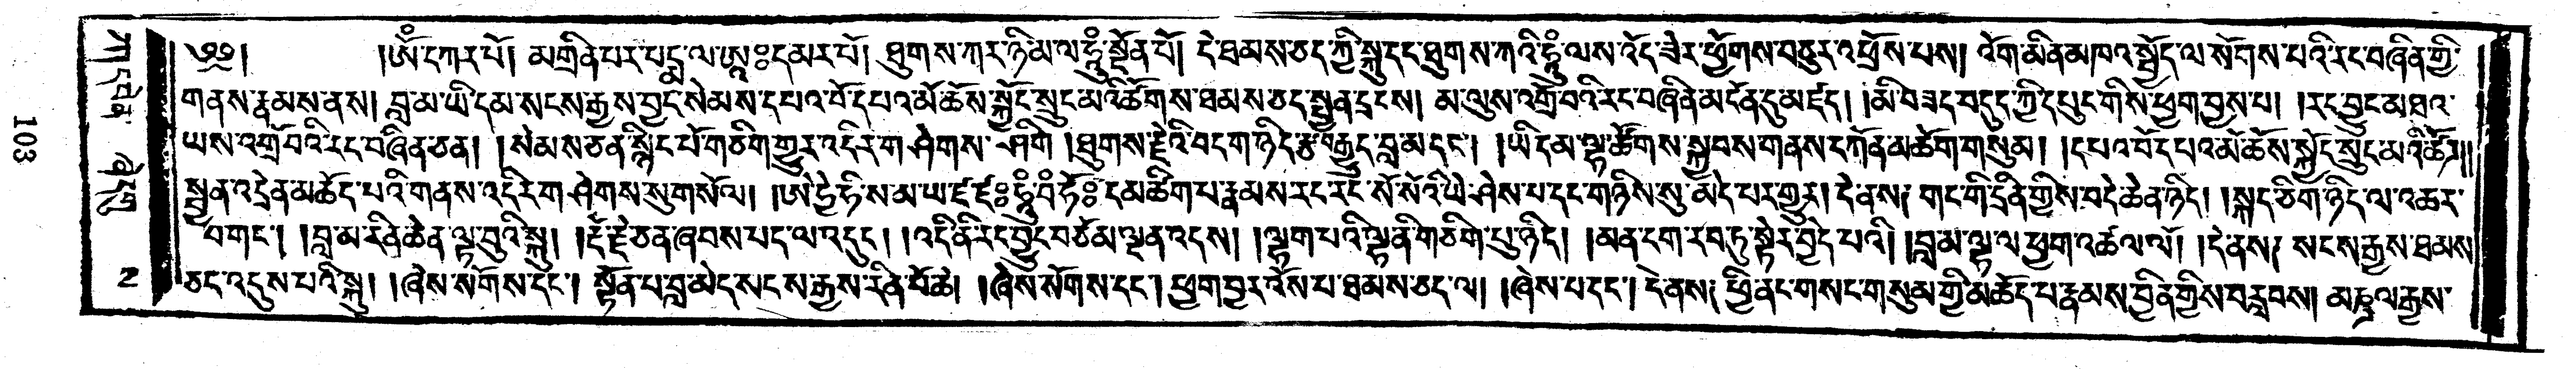༄༅། །ཨོཾ་དཀར་པོ། མགྲིན་པར་པདམ་ལ་ཨཱཿ དམར་པོ། ཐུགས་ཀར་ཉི་མ་ལ་ཧཱུཾ་སྔོན་པོ། དེ་ཐམས་ཅད་ཀྱི་སྐུ་དང་ཐུགས་ཀའི་ཧཱུཾ་ལས་འོད་ཟེར་ཕྱོགས་བཅུར་འཕྲོས་པས། འོག་མིན་མཁའ་སྦྱོད་ལ་སོགས་པའི་རང་བཞིན་གྱི་
གནས་རྣམས་ནས། བླ་མ་ཡི་དམ་སངས་རྒྱས་བྱང་སེམས་དཔའ་བོ་དཔའ་མོ་ཆོས་སྐྱོང་སྲུང་མའི་ཚོགས་ཐམས་ཅད་སྤྱན་དྲངས། མ་ལུས་འགྲོ་བའི་རང་བཞིན་མངོན་དུ་མཛད། །མི་བཟད་བདུད་ཀྱི་དཔུང་གིས་ཕྱག་བྱས་པ། །རང་བྱུང་མཐའ་
ཡས་འགྲོ་བའི་རང་བཞིན་ཅན། །སེམས་ཅན་སྙིང་པོ་གཅིག་གྱུར་འདིར་གཤེགས་ཤིག །ཐུགས་རྗེའི་བདག་ཉིད་རྩ་བརྒྱུད་བླ་མ་དང་། །ཡི་དམ་ལྷ་ཚོགས་སྐྱབས་གནས་དཀོན་མཆོག་གསུམ། །དཔའ་བོ་དཔའ་མོ་ཆོས་སྐྱོང་སྲུང་མའི་ཚོགས།།
སྤྱན་འདྲེན་མཆོད་པའི་གནས་འདིར་གཤེགས་སུ་གསོལ། །ཨེ་ཧྱེ་ཧི་ས་མ་ཡ་ཛ་ཛཿ ཧཱུཾ་བཾ་ཧོཿ དམ་ཚིག་པ་རྣམས་རང་རང་སོ་སོའི་ཡེ་ཤེས་པ་དང་གཉིས་སུ་མེད་པར་གྱུར། དེ་ནས༑ གང་གི་དྲིན་གྱིས་བདེ་ཆེན་ཉིད། །སྐད་ཅིག་ཉིད་ལ་འཆར་
བ་གང་། །བླ་མ་རིན་ཆེན་ལྟ་བུའི་སྐུ། །རྡོ་རྗེ་ཅན་ཞབས་པད་ལ་འདུང་། །འདི་ནི་རང་བྱུང་བཅོམ་ལྡན་འདས། །ལྷག་པའི་ལྷ་ནི་གཅིག་པུ་ཉིད། །མན་ངག་རབ་ཏུ་སྟེར་བྱེད་པའི། །བླ་མ་ལྷ་ལ་ཕྱག་འཚལ་ལོ། །དེ་ནས༑ སངས་རྒྱས་ཐམས་
ཅད་འདུས་པའི་སྐུ། །ཞེས་སོགས་དང་། སྟོན་པ་བླ་མེད་སངས་རྒྱས་རིན་པོ་ཆེ། །ཞེས་སོགས་དང་། ཕྱག་བྱར་འོས་པ་ཐམས་ཅད་ལ། །ཞེས་པ་དང་། དེ་ནས༑ ཕྱི་ནང་གསང་གསུམ་གྱི་མཆོད་པ་རྣམས་བྱིན་གྱིས་བརླབས། མཎྜལ་རྒྱས་